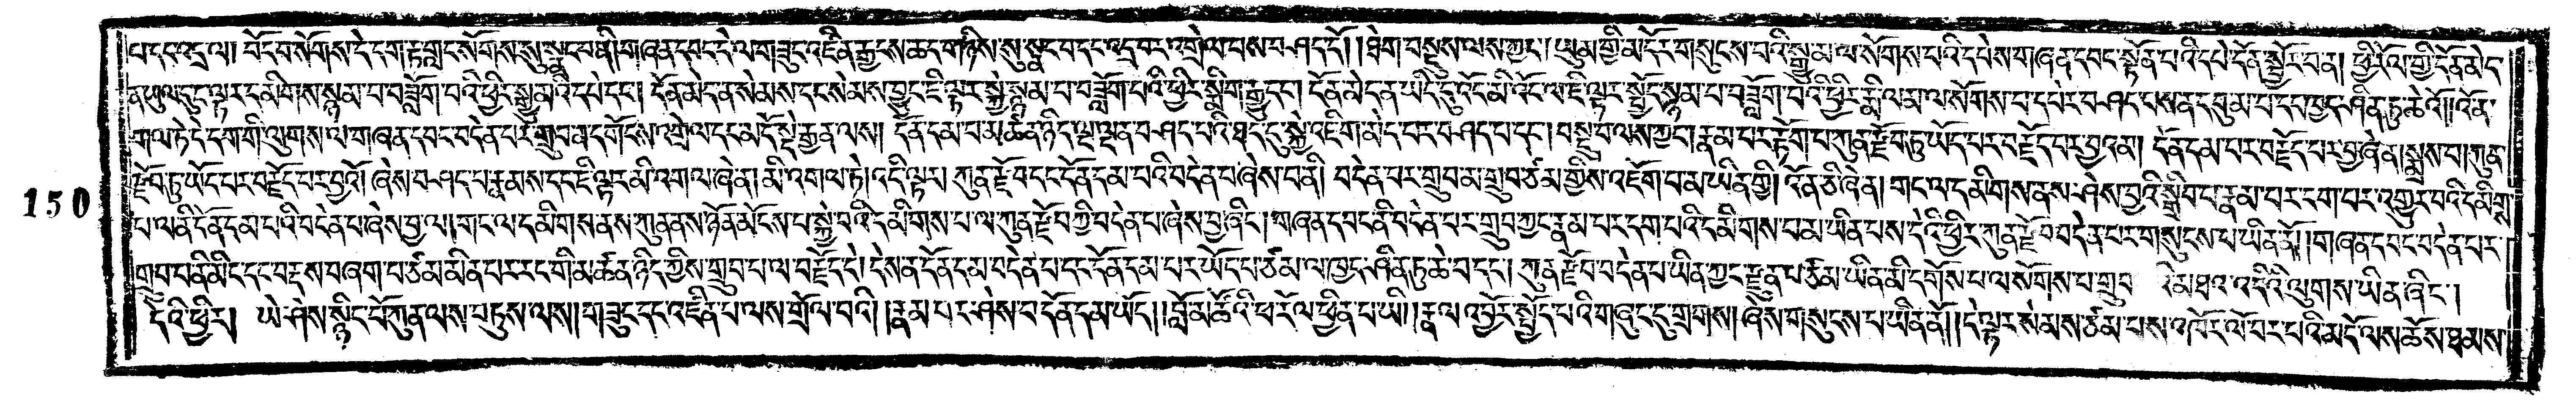པ་དང་འདྲ་ལ། བོང་བ་སོགས་དེ་དག་རྟ་གླང་སོགས་སུ་སྣང་བ་ནི། གཞན་དབང་དེ་ལ་གཟུང་འཛིན་རྒྱངས་ཆད་གཉིས་སུ་སྣང་བ་དང་འདྲ་བར་འགྲེལ་པས་བཤད་དོ། །ཐེག་བསྡུས་ལས་ཀྱང་། ཡུམ་གྱི་མདོར་གསུངས་པའི་སྒྱུ་མ་ལ་སོགས་པའི་དཔེས་གཞན་དབང་སྟོན་པའི་དཔེ་དོན་སྦྱོར་བ་ན། ཕྱི་རོལ་གྱི་དོན་མེད་
ན་ཡུལ་དུ་ཇི་ལྟར་དམིགས་སྙམ་པ་བཟློག་བའི་ཕྱིར་སྒྱུ་མའི་དཔེ་དང་། དོན་མེད་ན་སེམས་དང་སེམས་བྱུང་ཇི་ལྟར་སྐྱེ་སྙམ་པ་བཟློག་པའི་ཕྱིར་སྨིག་རྒྱུ་དང་། དོན་མེད་ན་ཡིད་དུ་འོང་མི་འོང་ལ་ཇི་ལྟར་སྤྱོད་སྙམ་པ་བཟློག་པའི་ཕྱིར་རྨི་ལམ་ལ་སོགས་པ་དཔེར་བཤད་པས་ན་དབུ་མ་པ་དང་ཁྱད་ཤིན་ཏུ་ཆེའོ། །འོ་ན་
གལ་ཏེ་དེ་དག་གི་ལུགས་ལ་གཞན་དབང་བདེན་པར་གྲུབ་ན་དགོངས་འགྲེལ་དང་མདོ་སྡེ་རྒྱན་ལས། དོན་དམ་པ་མཚན་ཉིད་ལྔ་ལྡན་བཤད་པའི་ཐད་དུ་སྐྱེ་འཇིག་མེད་པར་བཤད་པ་དང་། བསྡུ་བ་ལས་ཀྱང་། རྣམ་པར་རྟོག་པ་ཀུན་རྫོབ་ཏུ་ཡོད་པར་བརྗོད་པར་བྱའམ། དོན་དམ་པར་བརྗོད་པར་བྱ་ཞེ་ན། སྨྲས་པ། ཀུན་
རྫོབ་ཏུ་ཡོད་པར་བརྗོད་པར་བྱའོ། ཞེས་བཤད་པ་རྣམས་དང་ཇི་ལྟར་མི་འགལ་ཞེ་ན། མི་འགལ་ཏེ། འདི་ལྟར། ཀུན་རྫོབ་དང་དོན་དམ་པའི་བདེན་པ་ཞེས་བ་ནི། བདེན་པར་གྲུབ་མ་གྲུབ་ཙམ་གྱིས་འཇོག་པ་མ་ཡིན་གྱི། འོན་ཅི་ཞེ་ན། གང་ལ་དམིགས་ནས་ཤེས་བྱའི་སྒྲིབ་པ་རྣམ་པར་དག་པར་འགྱུར་བའི་དམིགས་
པ་ལ་ནི་དོན་དམ་པའི་བདེན་པ་ཞེས་བྱ་ལ། གང་ལ་དམིགས་ནས་ཀུན་ནས་ཉོན་མོངས་པ་སྐྱེ་བའི་དམིགས་པ་ལ་ཀུན་རྫོབ་ཀྱི་བདེན་པ་ཞེས་བྱ་ཞིང་། གཞན་དབང་ནི་བདེན་པར་གྲུབ་ཀྱང་རྣམ་པར་དག་པའི་དམིགས་པ་མ་ཡིན་པས་དེའི་ཕྱིར་ཀུན་རྫོབ་བདེན་པར་གསུངས་པ་ཡིན་ནོ། །གཞན་དབང་བདེན་པར་
གྲུབ་པ་ནི་མིང་དང་བརྡས་བཞག་པ་ཙམ་མིན་པར་རང་གི་མཚན་ཉིད་ཀྱིས་གྲུབ་པ་ལ་བརྗོད་དེ། དེས་ན་དོན་དམ་བདེན་པ་དང་དོན་དམ་པར་ཡོད་པ་ཙམ་ལ་ཁྱད་ཤིན་ཏུ་ཆེ་བ་དང་། ཀུན་རྫོབ་བདེན་པ་ཡིན་ཀྱང་རྫུན་པ་ཅམ་ཡིན་མི་དགོས་པ་ལ་སོགས་པ་གྲུབ་པའི་མཐའ་འདིའི་ལུགས་ཡིན་ཞིང་།
དེའི་ཕྱིར། ཡེ་ཤེས་སྙིང་པོ་ཀུན་ལས་བཏུས་ལས། གཟུང་དང་འཛིན་པ་ལས་གྲོལ་བའི། །རྣམ་པར་ཤེས་པ་དོན་དམ་ཡོད། །བློ་མཚོའི་ཕ་རོལ་ཕྱིན་པ་ཡི། །རྣལ་འབྱོར་སྤྱོད་པའི་གཞུང་དུ་གྲགས། ཞེས་གསུངས་པ་ཡིན་ནོ། །དེ་ལྟར་སེམས་ཙམ་པས་འཁོར་ལོ་བར་པའི་མདོ་ལས་ཆོས་ཐམས་